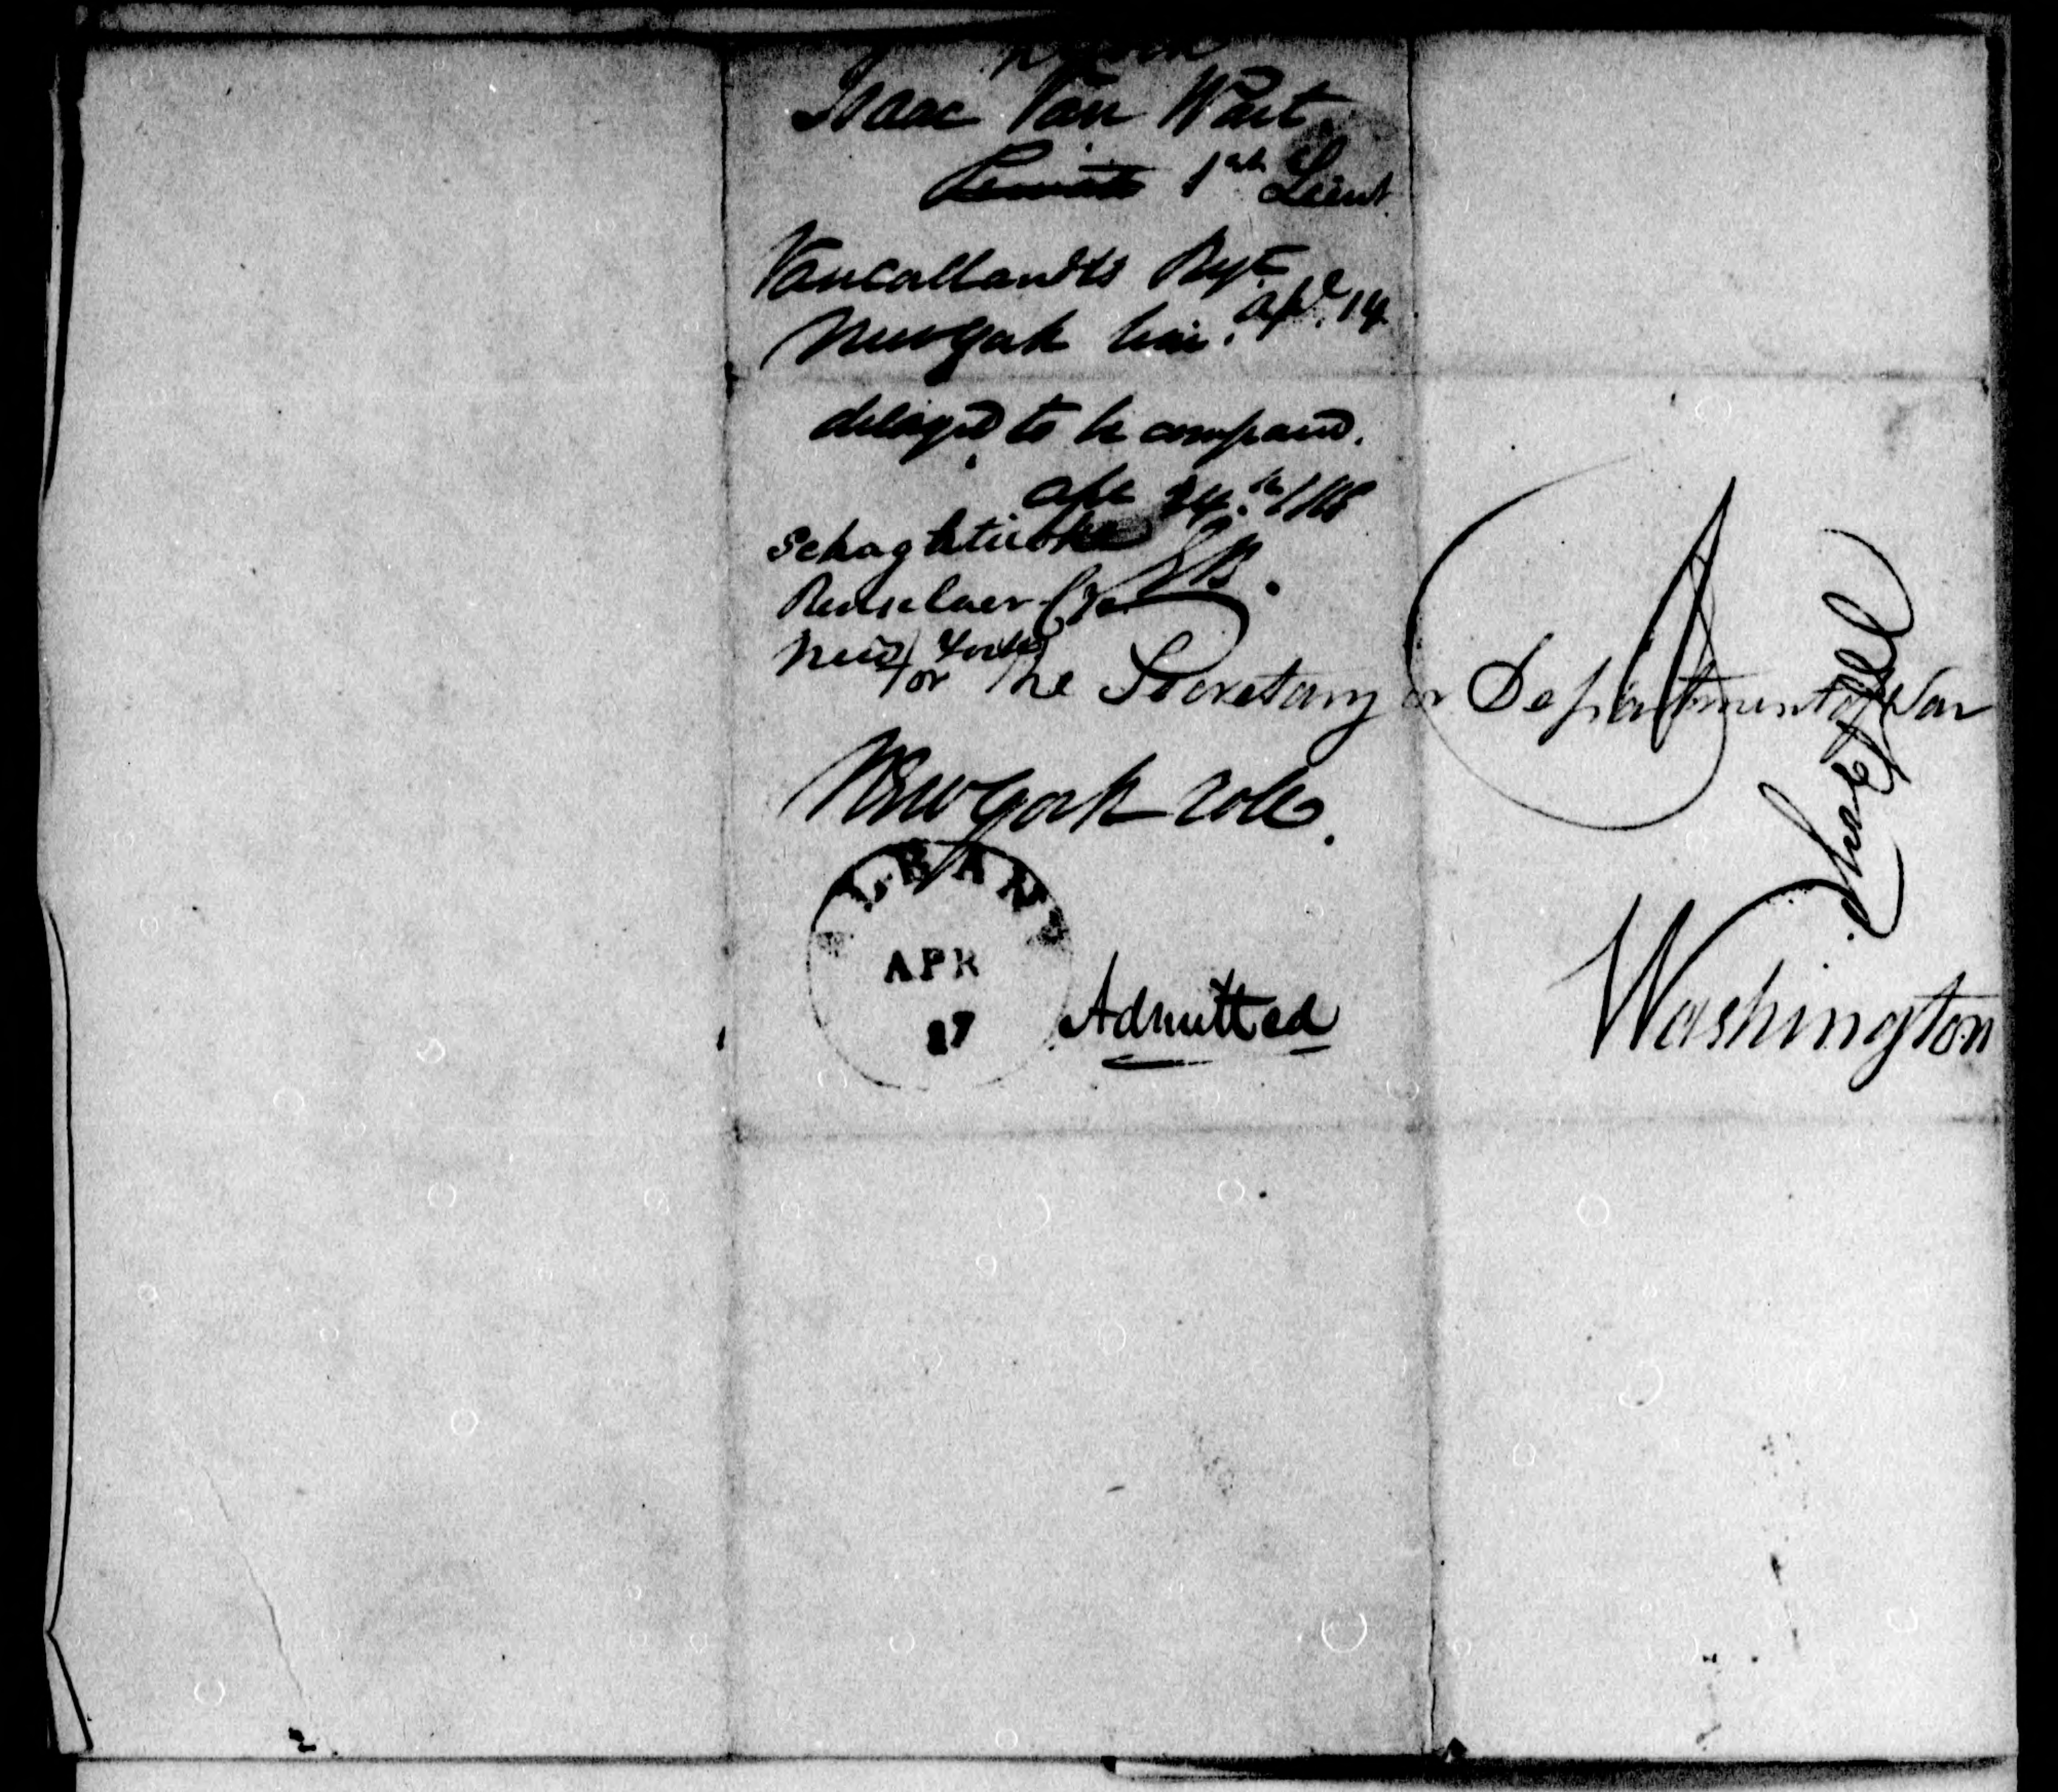[top line illegible]
Isaac Van Wart
Private 1st Lieut.
Vancortlandts Regt
New York line Apl. 14
delayed to be compared
Apl 24th //18   SB.
Schaghticoke Rensselaer Co. New York

For the Secretary or Department of War
Washington

New York roll.

[postmarked Albany Apr 17]

Admitted

[vertical text on right] M Boyd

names: Isaac Van Wart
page: 3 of 102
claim: widow's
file: W. 18239, Isaac Van Wart, New York